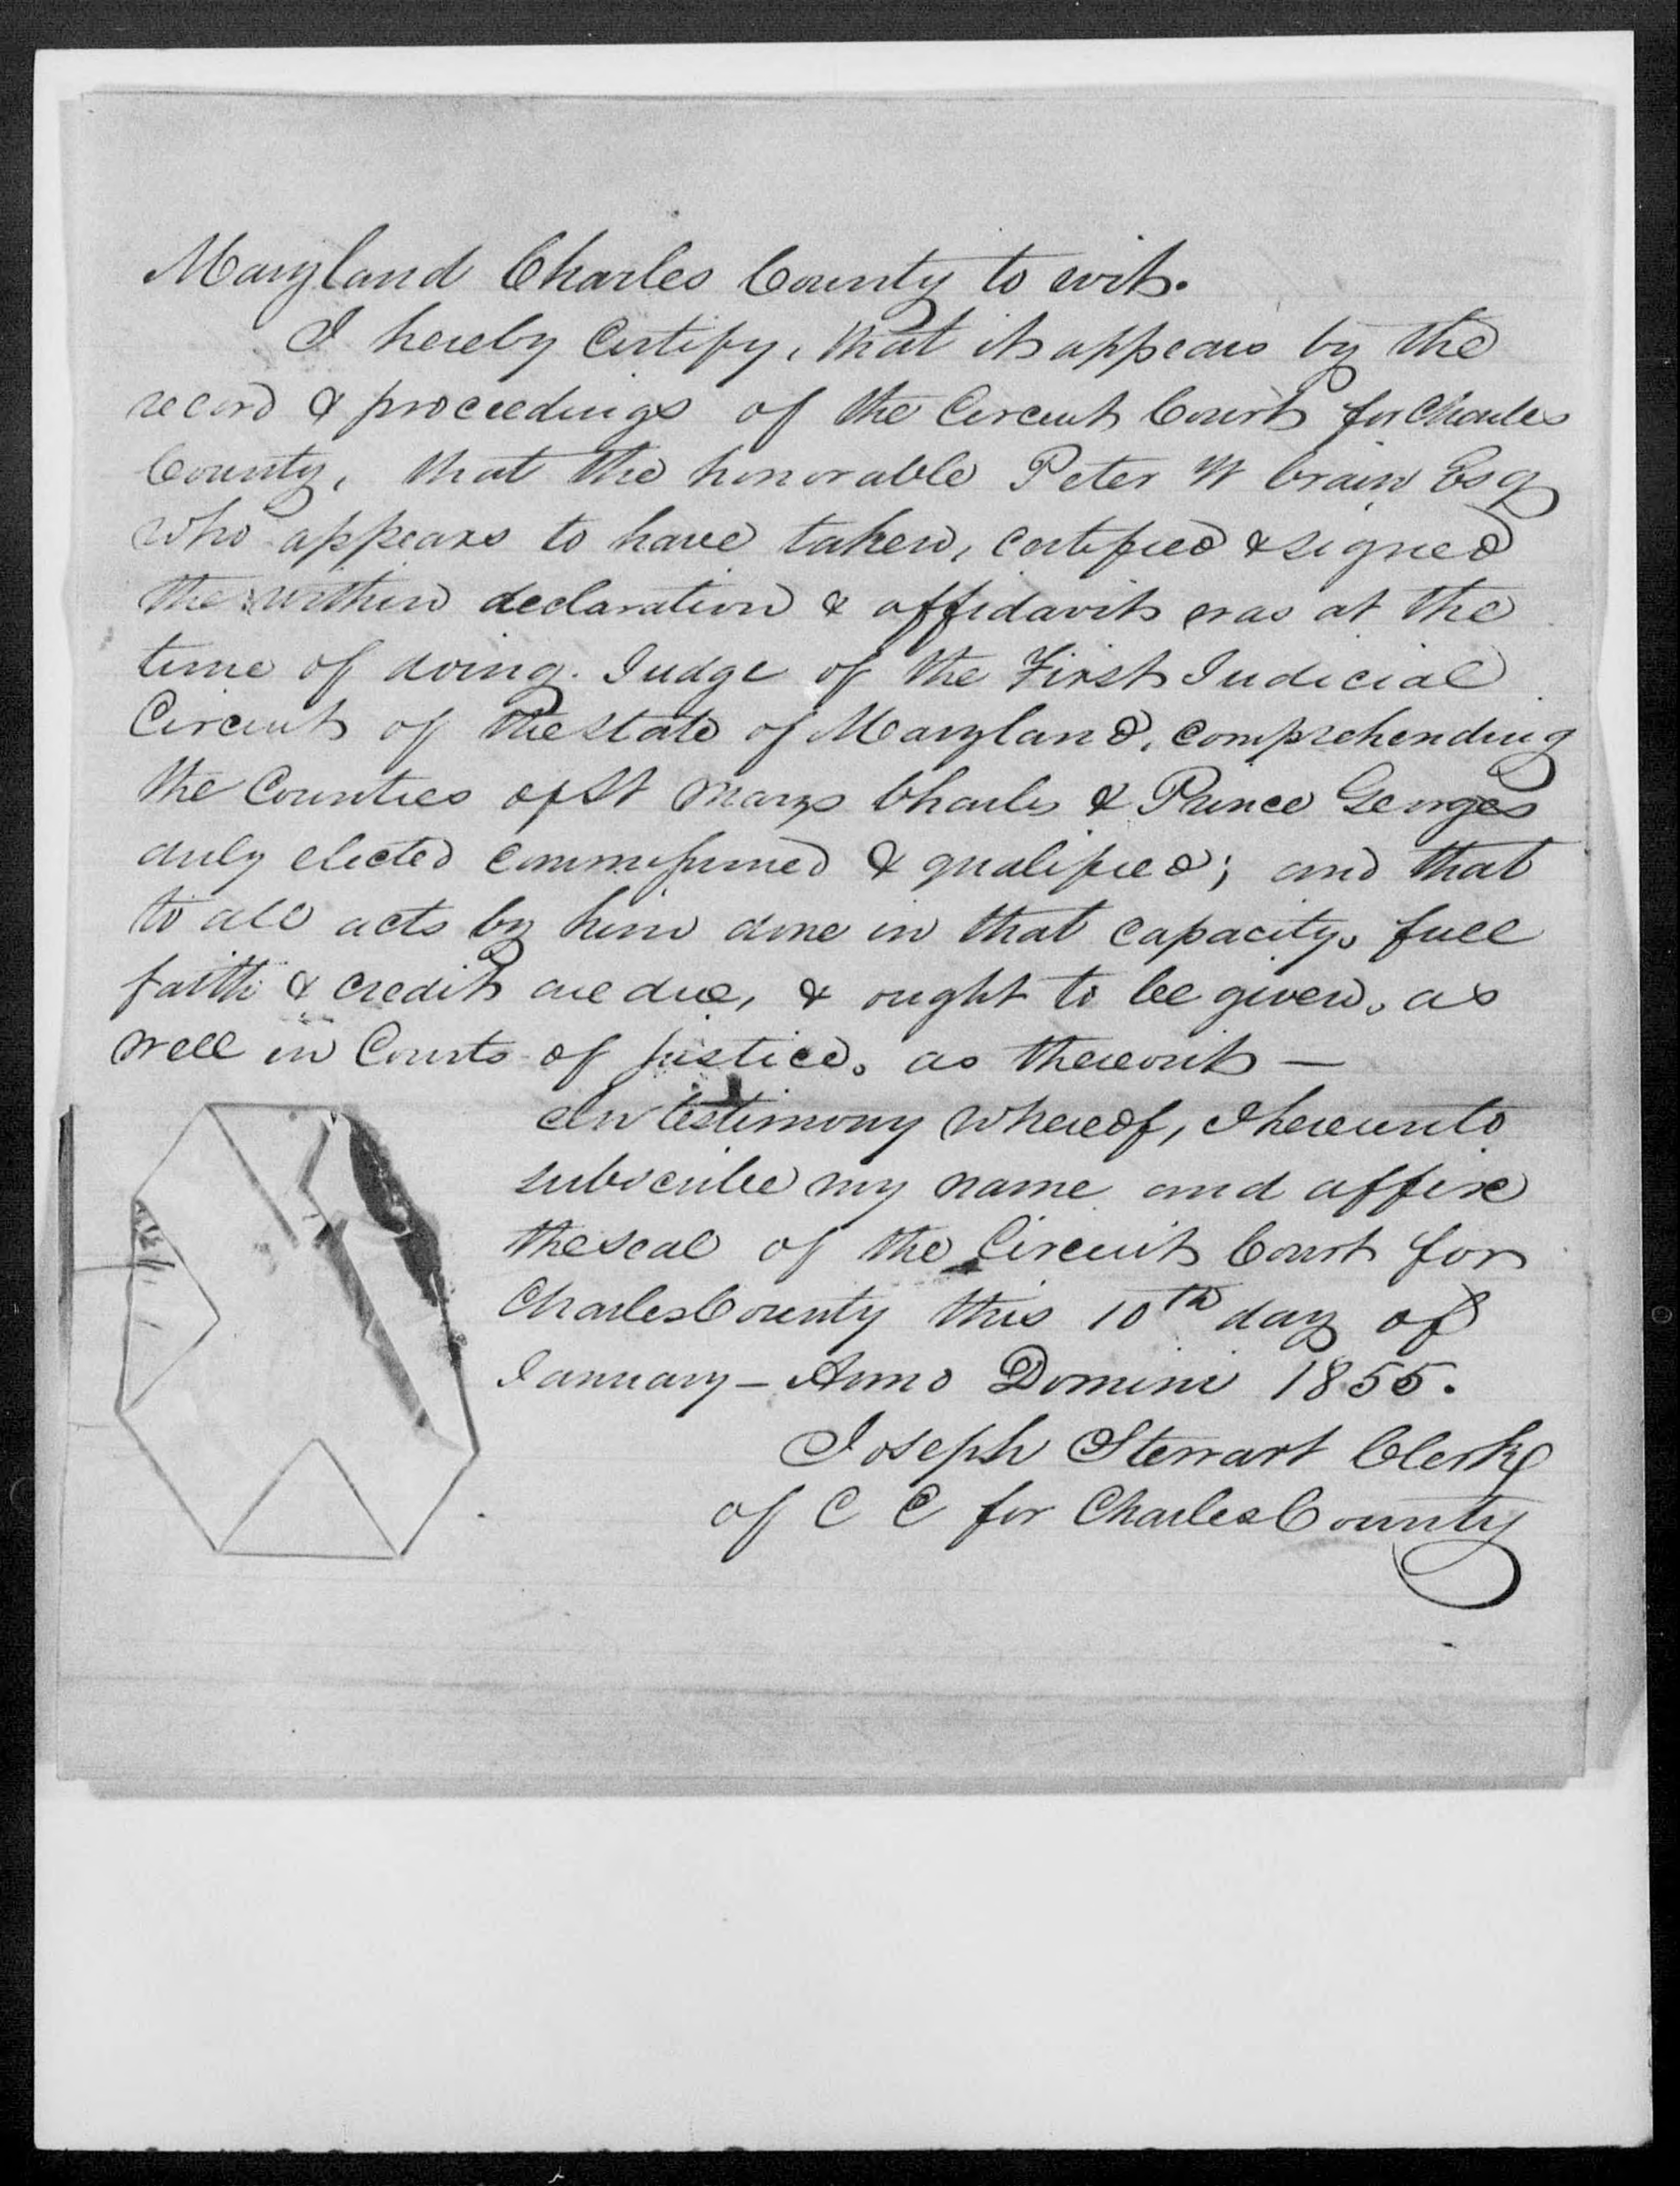Maryland Charles County to wit
	I hereby certify that it appears by the record & proceedings of the Circuit Court for Charles County, that the honorable Peter W Crain Esquire who appears to have taken, certified, and signed the within declaration and affidavit was of the time of doing. Judge of the First Judicial Circuit of the State of Maryland comprehending the Counties of St Marys Charles and Prince Georges duly elected commissioned and qualified; and that faith and credit are due, and ought to be given as well in Courts of justice. As therewit
In testimony whereof, I hereunto subscribe my name and affix the seal of the Circuit Court for Charles County this 10th day of January- Anno Domini 1855.
Joseph Stewart Clerk of C C for Charles County.

[seal]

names: Peter W Crain, Joseph Stewart, Mary Charles, Prince Georges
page: 6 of 22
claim: rejected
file: R 1709, Joshua Carnes, Va.